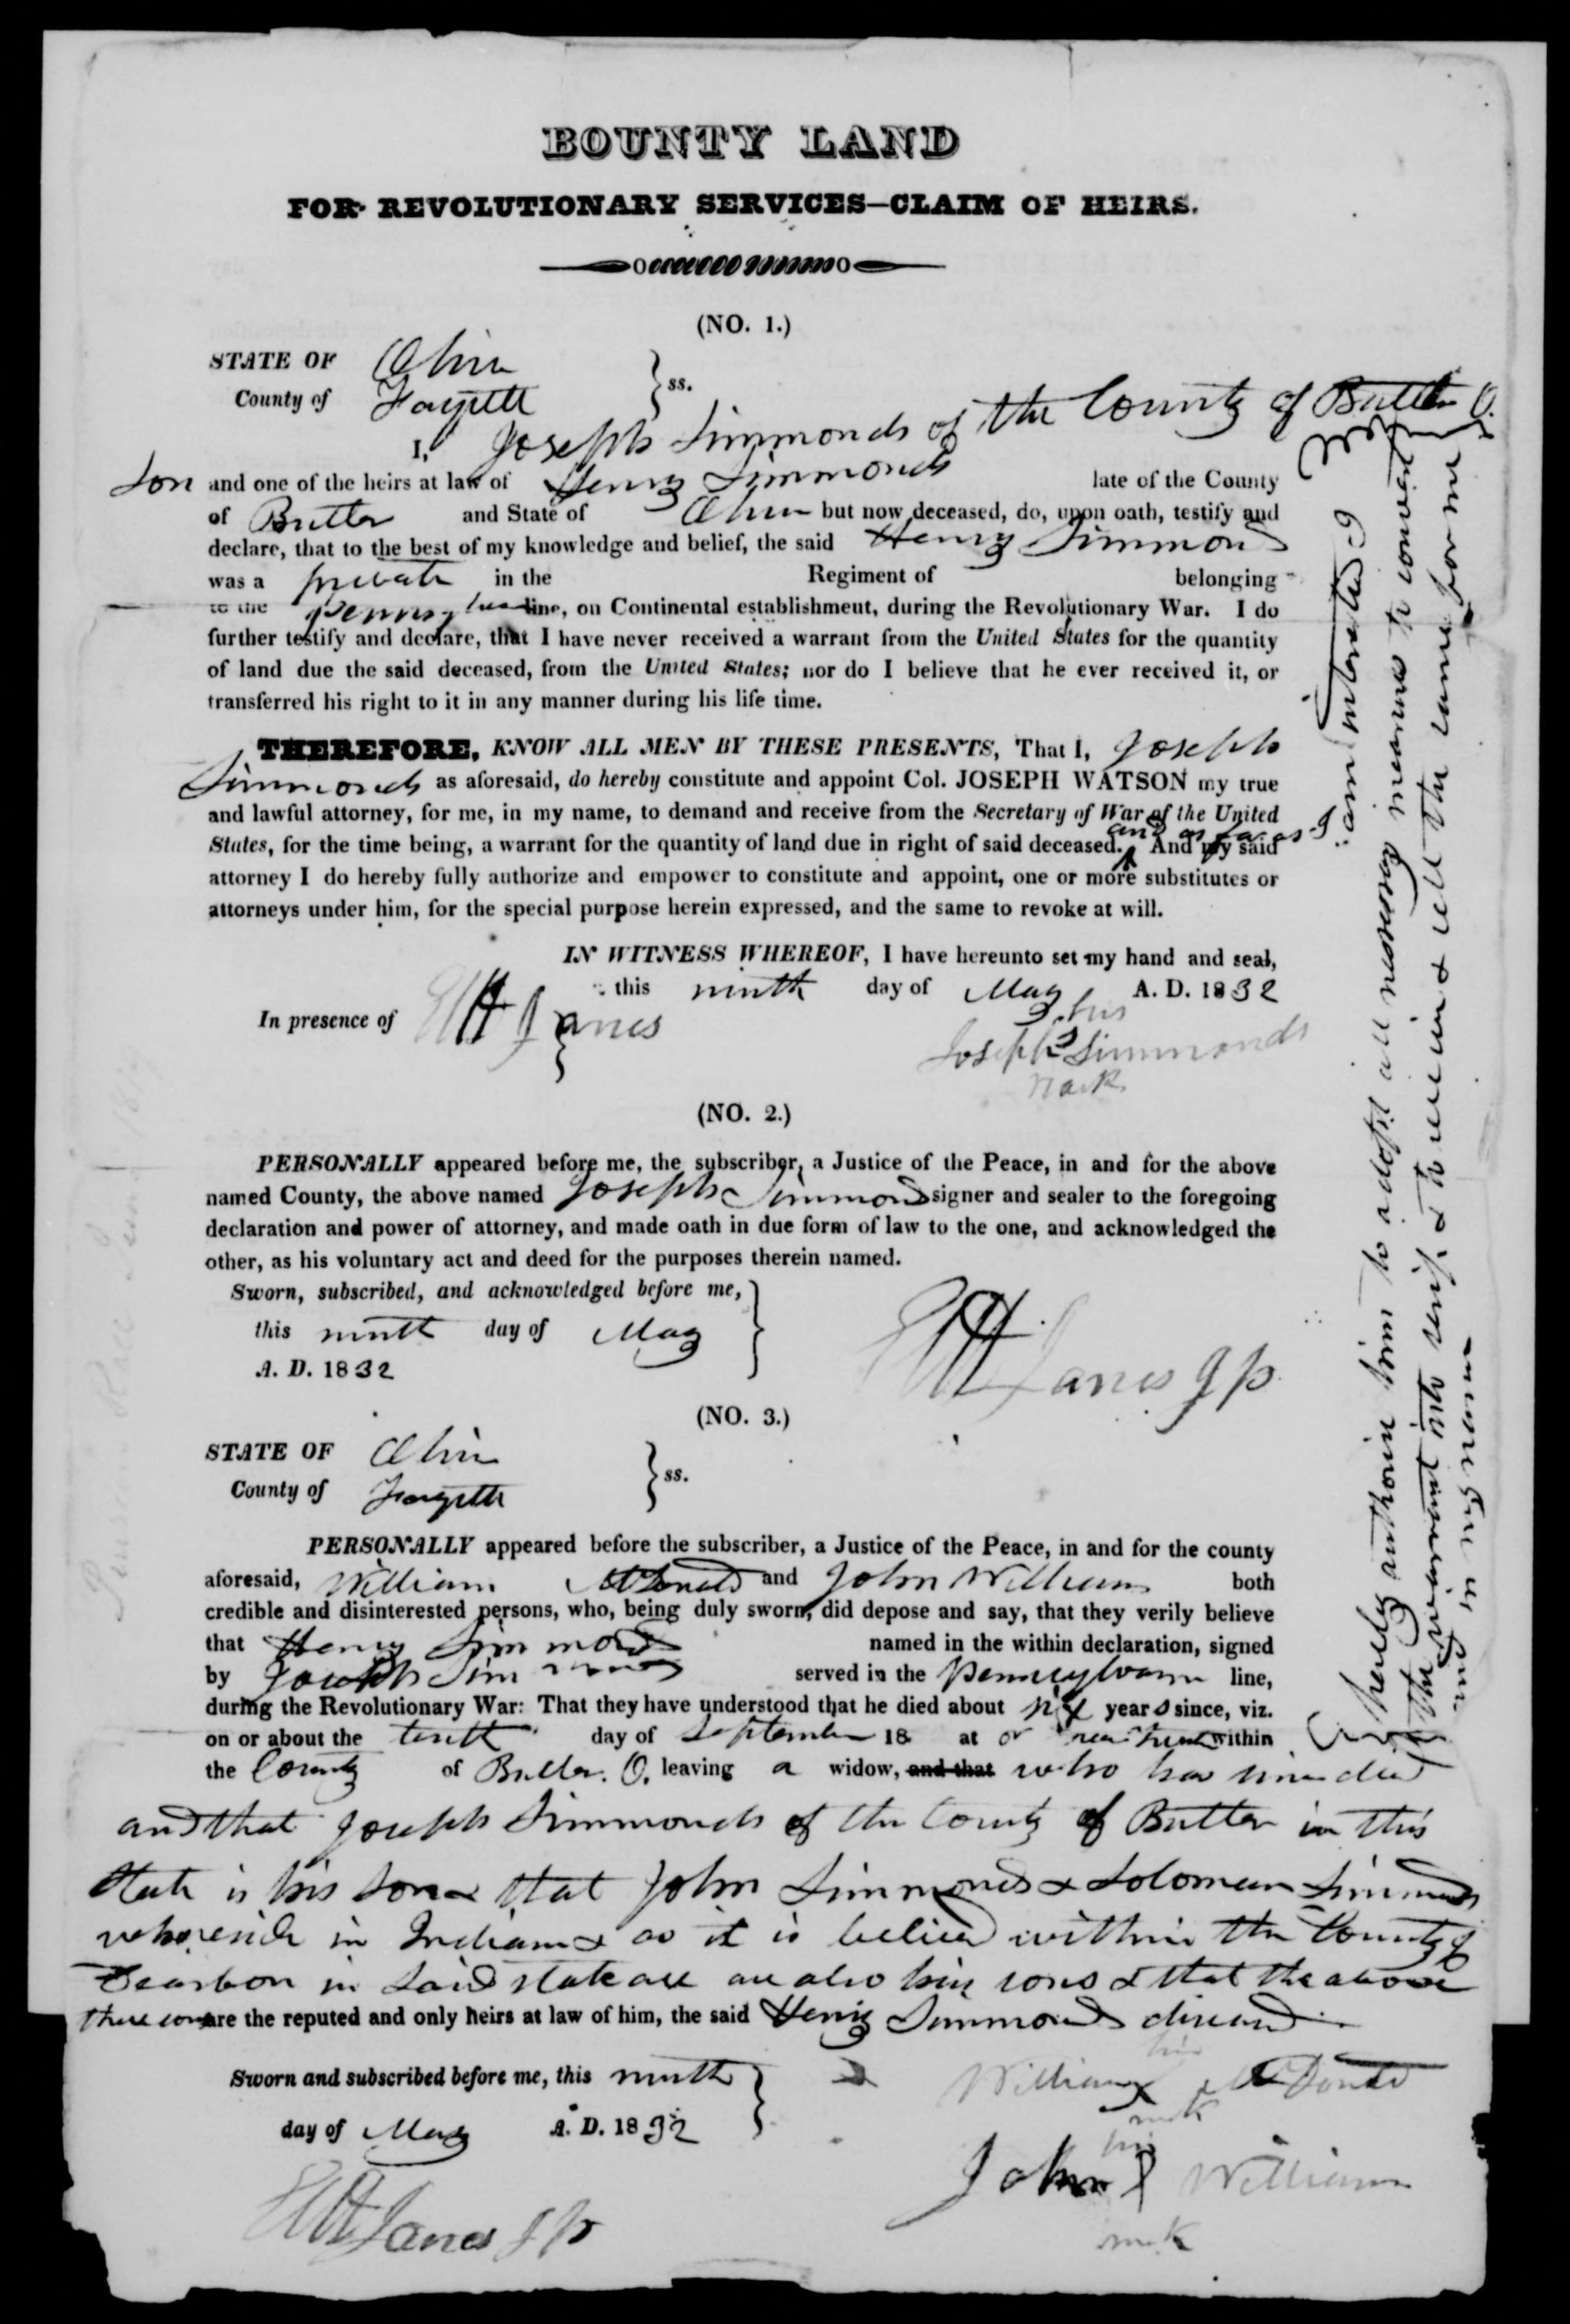Pension Roll Penna 1819
BOUNTY LAND FOR REVOLUTIONARY SERVICES -- CLAIM OF HEIRS. 
STATE OF Ohio 
County of Fayette } SS   
1 Joseph Simmonds of the County of Butler Ohio and one of the heirs at law of Henry Simmonds late of the County of Butler and State of Ohio, but now deceased, do upon oath, testify and declare, that to the best of my knowledge and belief, the said Henry Simmonds was a private in the Regiment of belonging to the Pennsylvania line, on Continental establishment, during the Revolutionary War. I do further testify and declare, that I have never received a warrant from the United States for the quantity of land due the said deceased, from the United States; nor do I believe that he ever received it, or transferred his right to it in any manner during his life time.    
THEREFORE, KNOW ALL MEN BY THESE PRESENTS, That I, Joseph Simmonds as aforesaid, do hereby constitute and appoint Col. JOSEPH WATSON my true and lawful attorney, for me, in my name, to demand and receive from the Secretary of War of the United States , for the time being, a warrant for the quantity of land due in right of said deceased. And said attorney I do hereby fully authorize and empower to constitute and appoint one or more substitutes or attorneys under him, for the special purpose herein expressed, and the same to revoke at will. 
IN WITNESS WHEREOF, I have hereunto set my hand and seal, this ninth day of May A. D. 1832 
In presence of Elitt Janes   
Joseph Simmonds his mark   
(NO.2)
PERSONALLY appeared before me, the subscriber, a Justice of the Peace, in and for the above County, the above named Joseph Simmonds signer and sealer to the foregoing declaration and power of attorney, and made oath in due form of law to the one, and acknowledged the as his voluntary act and deed for the purposes therein named. 
Sworn, subscribed, and acknowledged before me, this ninth day of May A. D. 1832
Elitt Janes  JP 
(No. 3. )
State of Ohio
County of Fayette} SS
PERSONALLY appeared before the subscriber, a Justice of the Peace, in and for the county aforesaid, William McDonald and John Williams both credible and disinterested persons who being duly sworn, did depose and say, that they verily believe that Henry Simmonds named in the within decaration, signed by Joseph Simmonds service in the Pennsylvania line during the Revolutionary War:  That they have understood that he died about six years since, viz. on or about the tenth day of September 18 at or near home within the count of Butler O. leaving a widow, who has since died and that Joseph Simmonds of the count of Butler in this State is his son & that John Simmonds & Solomon Simmonds who reside in Indiana as it is believed within the County of Dearborn in Said State are an also his sons & that the above three sons are the reputed and only heirs at law of him, the said Henry Simmonds deceased.
William McDonald his mark
John Williamson his mark
Sworn and subscribed before me, this seventh day of May A. D. 1832
Elitt Janes JP
{Am interested I hereby authorize him to adopt all necessary means to convert the warrant into [unreadable] & to return & tell them same for me and in my name.}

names: Solomon Simmonds; Joseph Watson; Eltt Jones; Joseph Simmonds; William Mc Donald; Henry Simmonds; Henry Simmonds; John Williams; Eltt Jones; Joseph Simmonds; Joseph Simmonds; Joseph Simmonds; Henry Simmonds; Eltt Jones; Henry Simmonds; William Mc Donald; Joseph Simmonds; John Simmonds; Joseph Simmonds; John Williams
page: 3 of 6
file: B. L. Rej., for Henry Simmonds, Pennsylvania